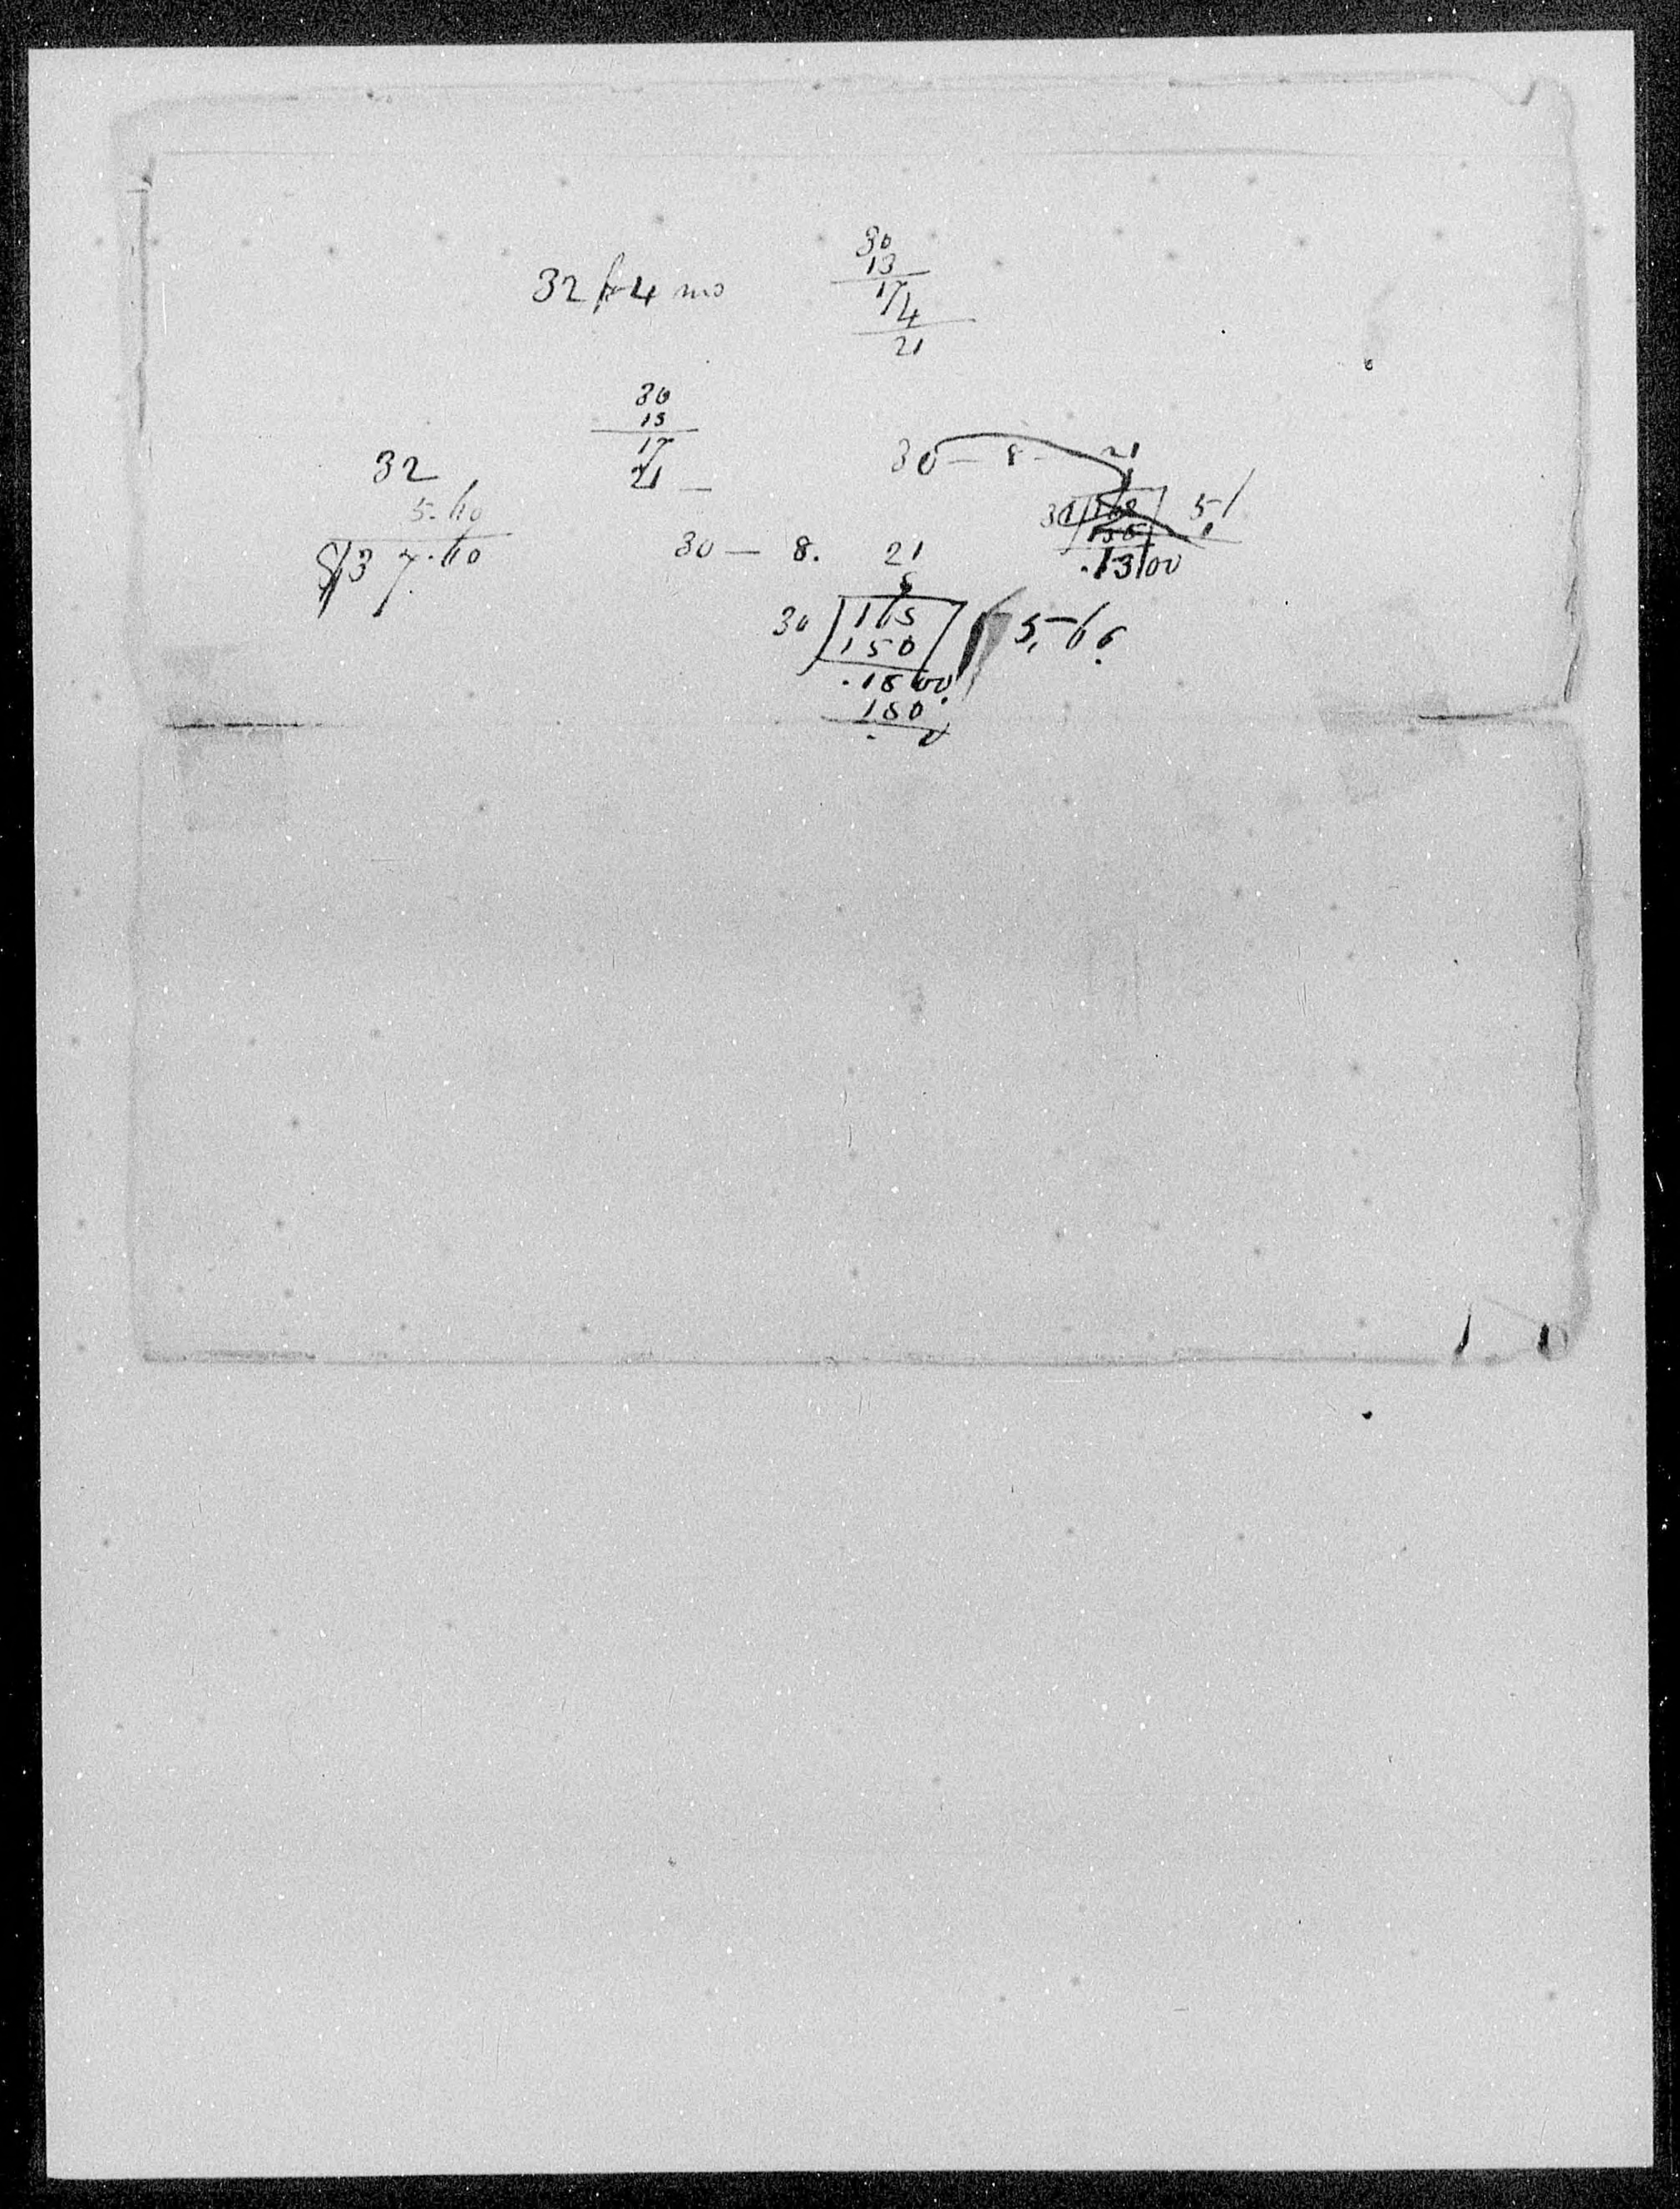[page calculation]
32
540
$37 to
---
32 4 mo
30
15
4
-
¼
30 -8.
21
21
30 /65
7
50
18
to
5
100
65
51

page: 3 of 23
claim: survivor's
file: S. 27257, for John Norcross, Pennsylvania